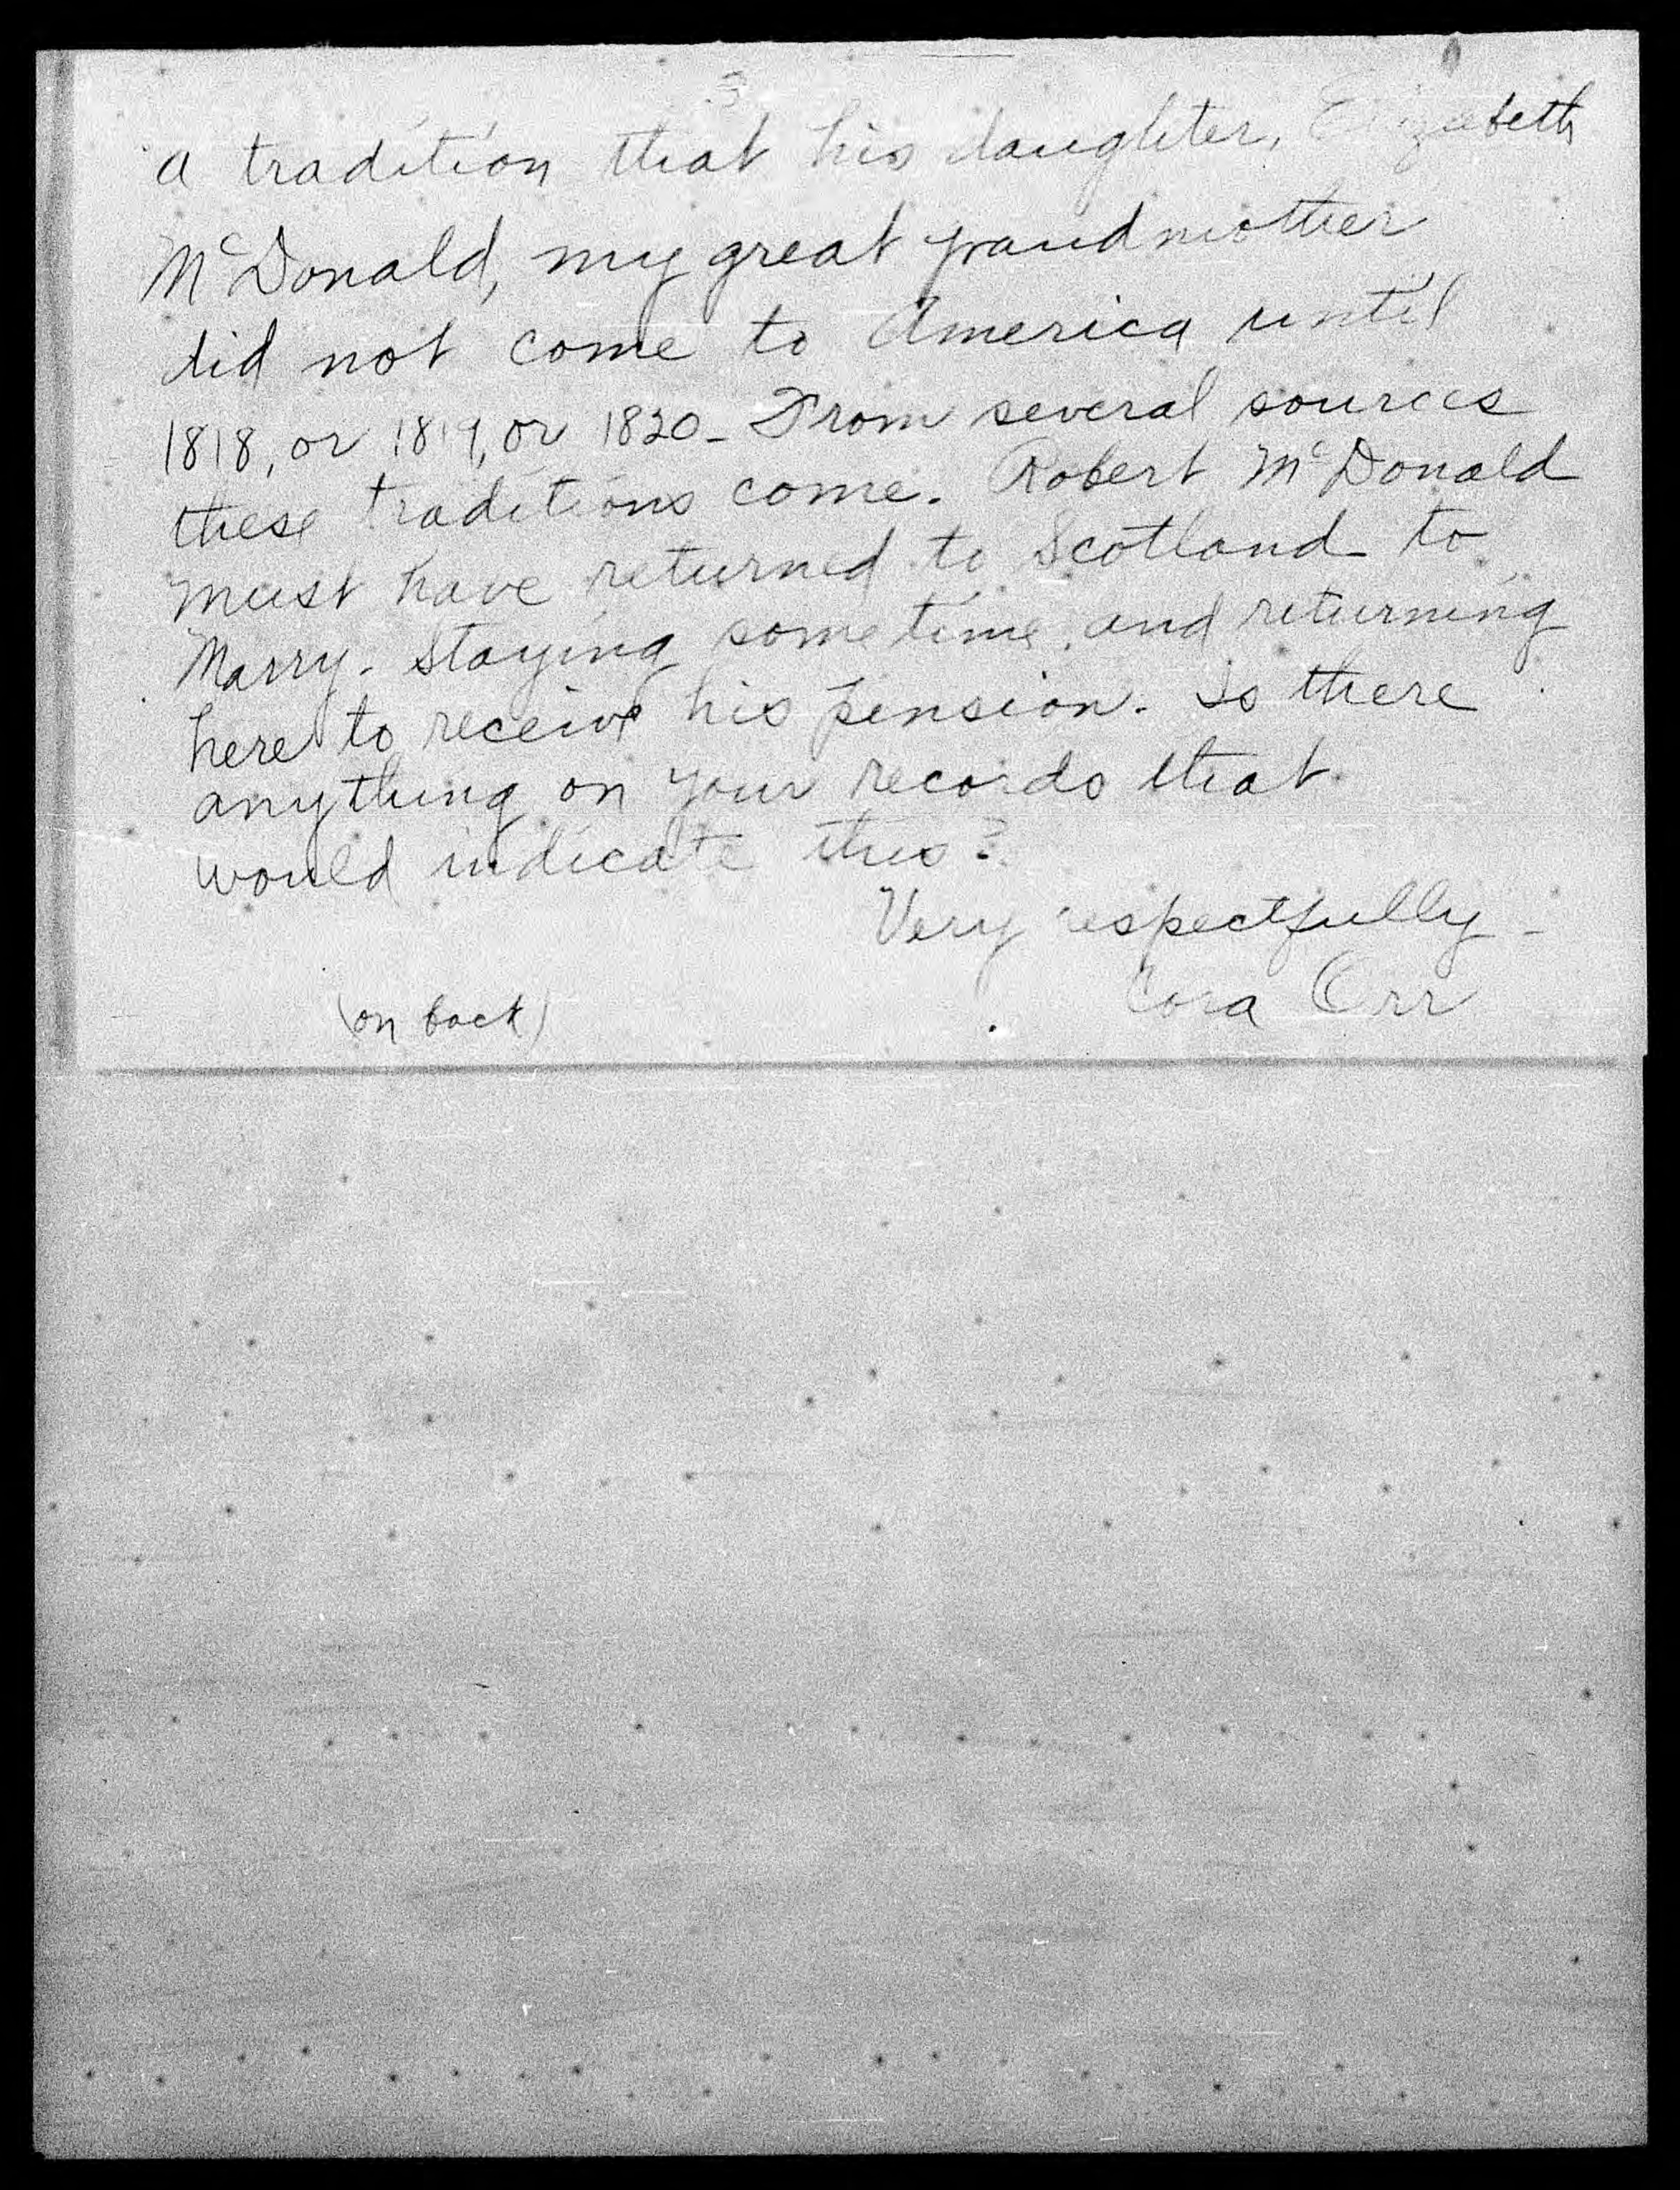a tradition that his daughter, Elizabeth McDonald, my great grandmother did not come to America until 1818, or 1819, or 1820 From several courses these traditions come. Robert McDonald must have returned to Scotland to marry Staying sometime and returning here to receive his pension. Is there anything on your records that would indicate this?
Very respectfully 
Corra Orr (on back)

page: 55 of 59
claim: widow's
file: W 3703, for Robert Mc Donald, Pennsylvania